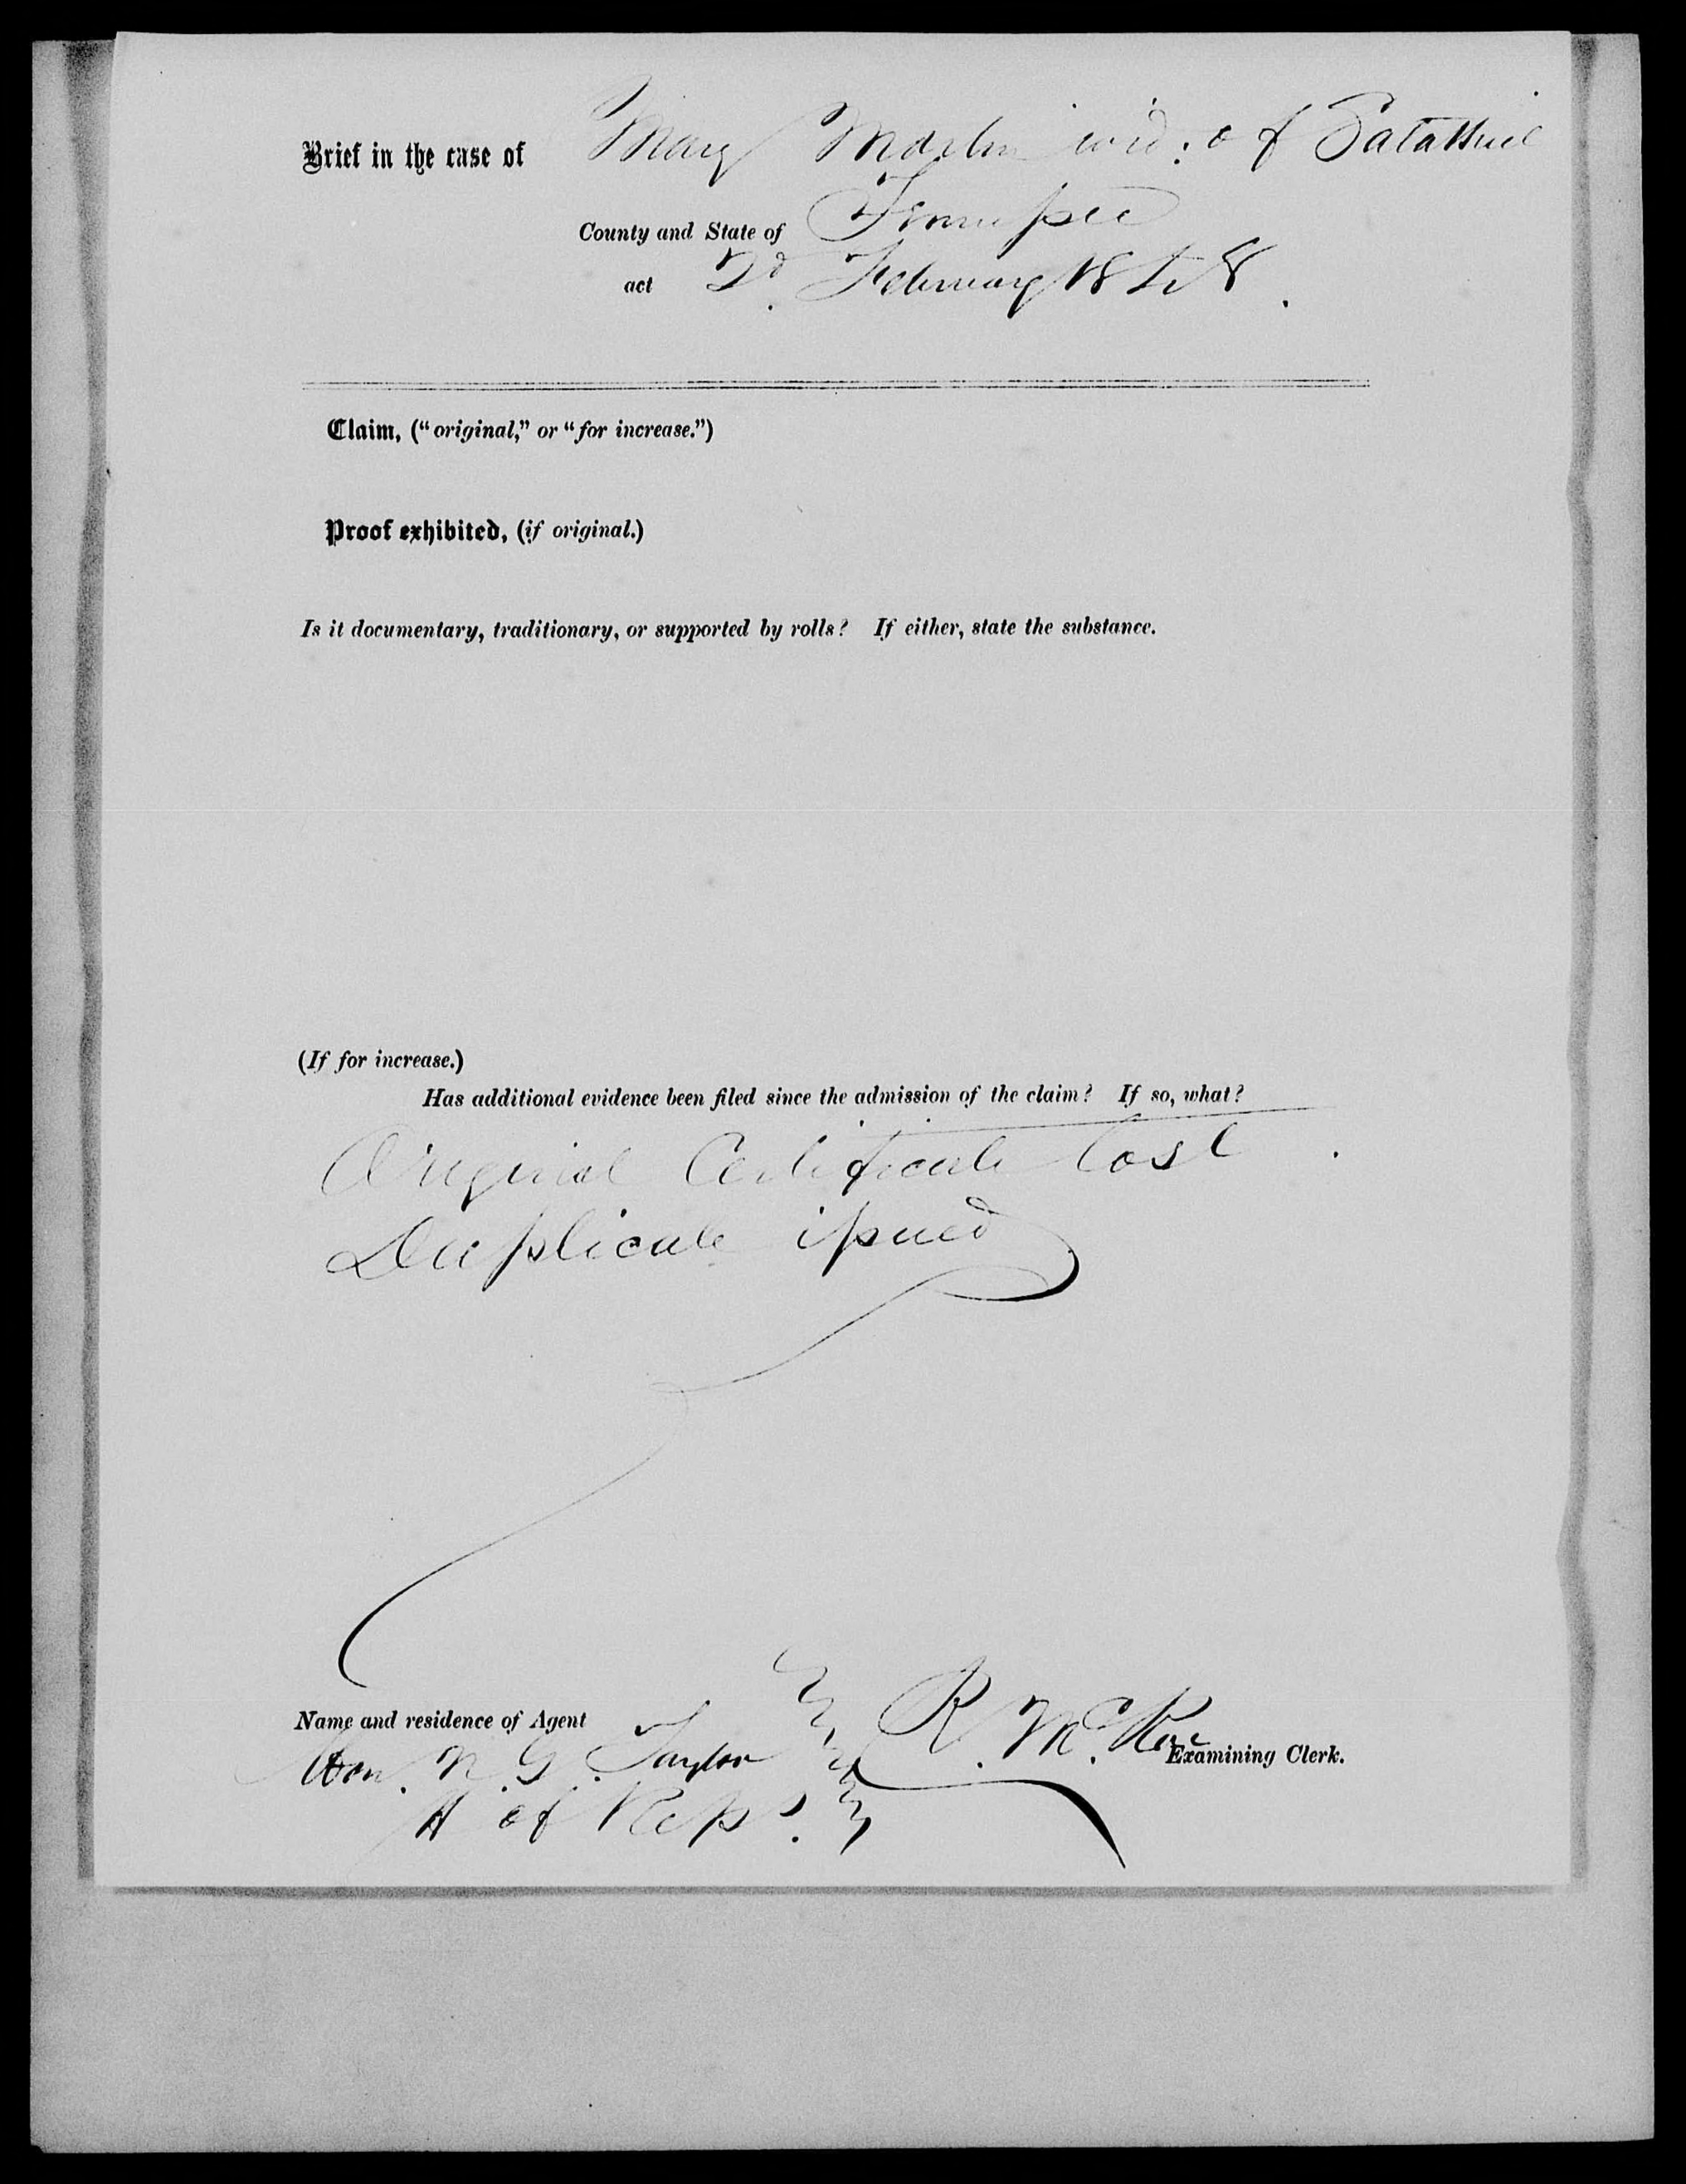[printed form, handwritten responses]
Brief in the case of
Mary Martin wid. of Salathiel
County and State of Tennessee
act 2d February 1848
Claim, (" original " or " for increase)
Proof exhibited, (if original.)
Is it documentary, traditionary, or supported by rolls? If either, state the substance.
(If for increase.)
Has additional evidence been filed since the admission of the claim? If so, what?
Original Certificate lost
Duplicate issued
R. McKee
Examining clerk
Name and residence of Agent
of
Hon N. G. Taylor
H of Reps.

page: 62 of 120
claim: widow's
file: W. 1044, for Salathiel Martin, North Carolina